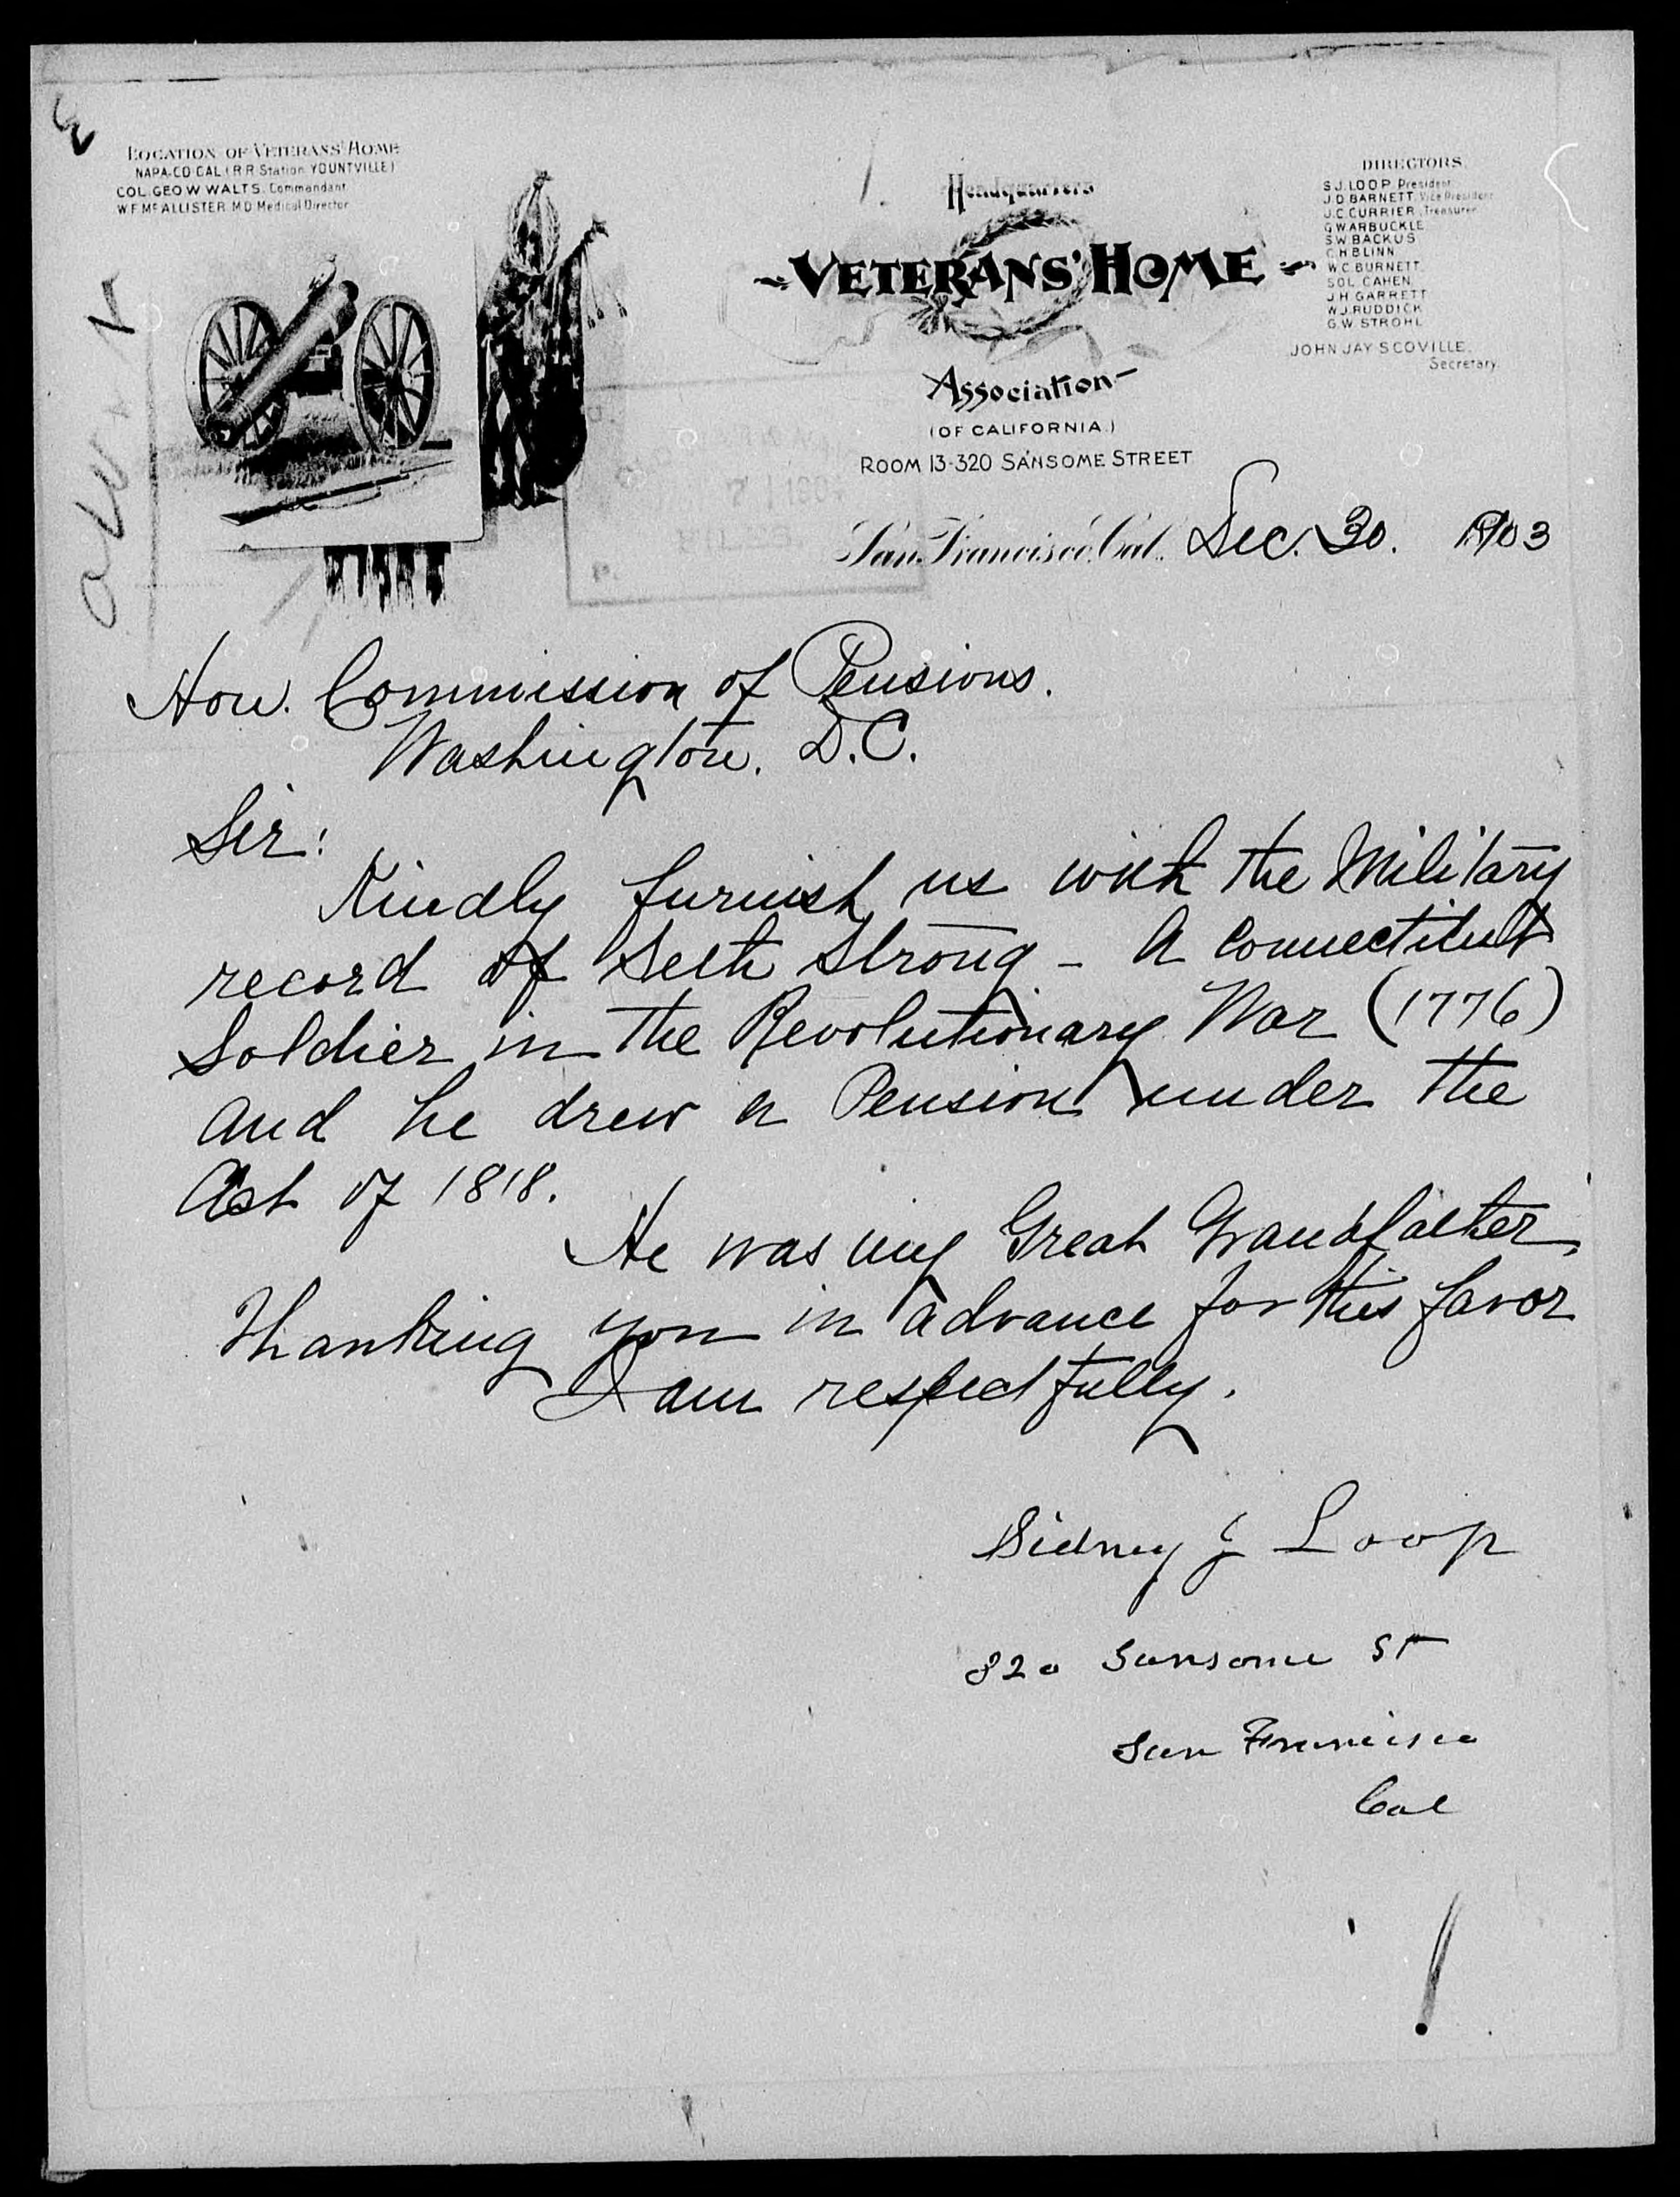Headquarters
VETERANS' HOME
Association
(OF CALIFORNIA)
Room 13-320 SANSOME STREET

LOCATION OF VETERANS' HOME
NAPA CO CAL (RR Station YOUNTVILLE)
COL. GEO W WALTS Commandant
W F McALLISTER MD Medical Director

DIRECTORS
S.J. LOOP, President
J.D. BARNETT, Vice President
J.C. CURRIER, Treasurer
G.W. ARBUCKLE
S.W. BACKUS
C.H. BLINN
W.C. BURNETT
SOL CAHEN
J.H. GARRETT
W.J. RUDDICK
G.W. STROHL

JOHN JAY SCOVILLE.
Secretary

San Francisco, Cal. Dec. 30. 1903

Hon. Commission of Pensions.
Washington, D.C.

Sir:
Kindly furnish us with the Military record of Seth Strong - A Connecticut Soldier in the Revolutionary War (1776) and he drew a Pension under the Act of 1818.

He was my Great Grandfather. Thanking you in advance for this favor.

I am respectfully,

Sidney J. Loop
320 Sansome St
San Francisco
Cal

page: 31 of 47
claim: widow's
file: W. 17879, for Seth Strong, Connecticut